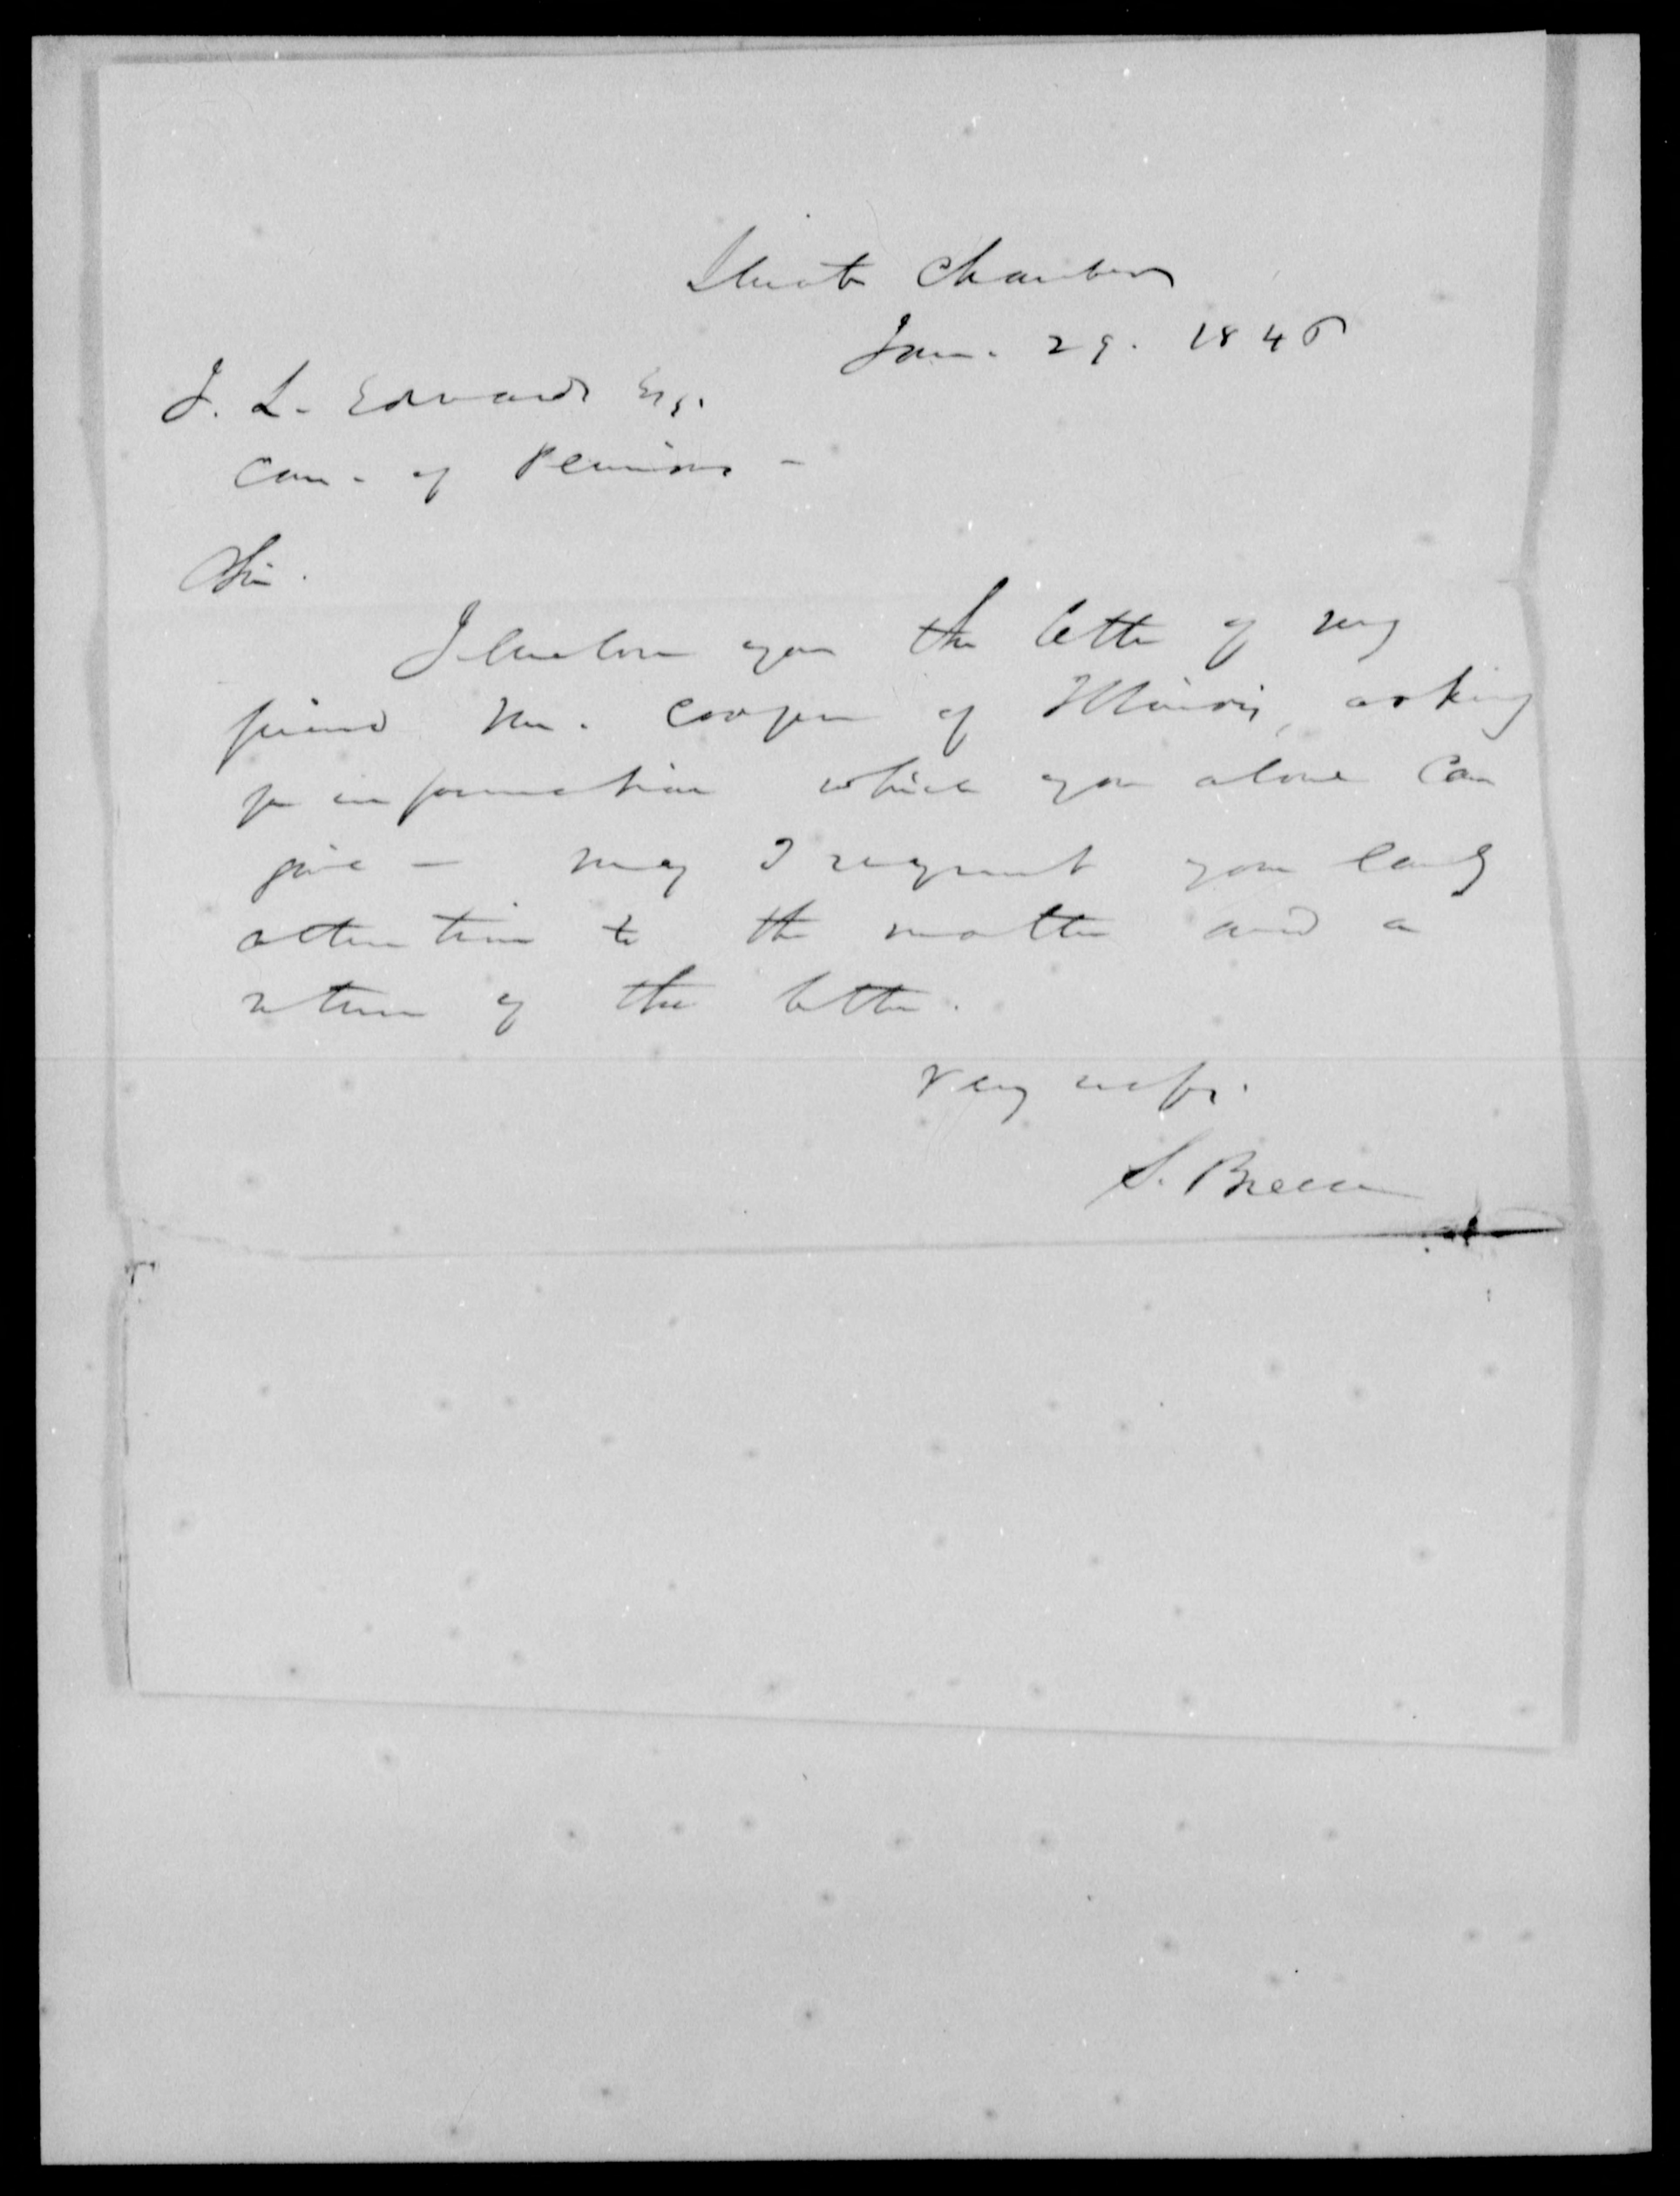(illegible) Chamber
Jan.29.1846
L.L. Edwards Esq
Com of Pensions-

Sir.
I (illegible) you the letter of my friend (initial illegible) Cooper of (illegible) asking for information which you above can give-may I request you (illegible) attend to the matter and a return of the letter.
Very resp.
S. Brewer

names: [BLANK] Cooper; S Brewer; [BLANK] Morris; J L Edwards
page: 18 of 20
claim: survivor's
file: S. 36,783, for George Sparling, New Jersey